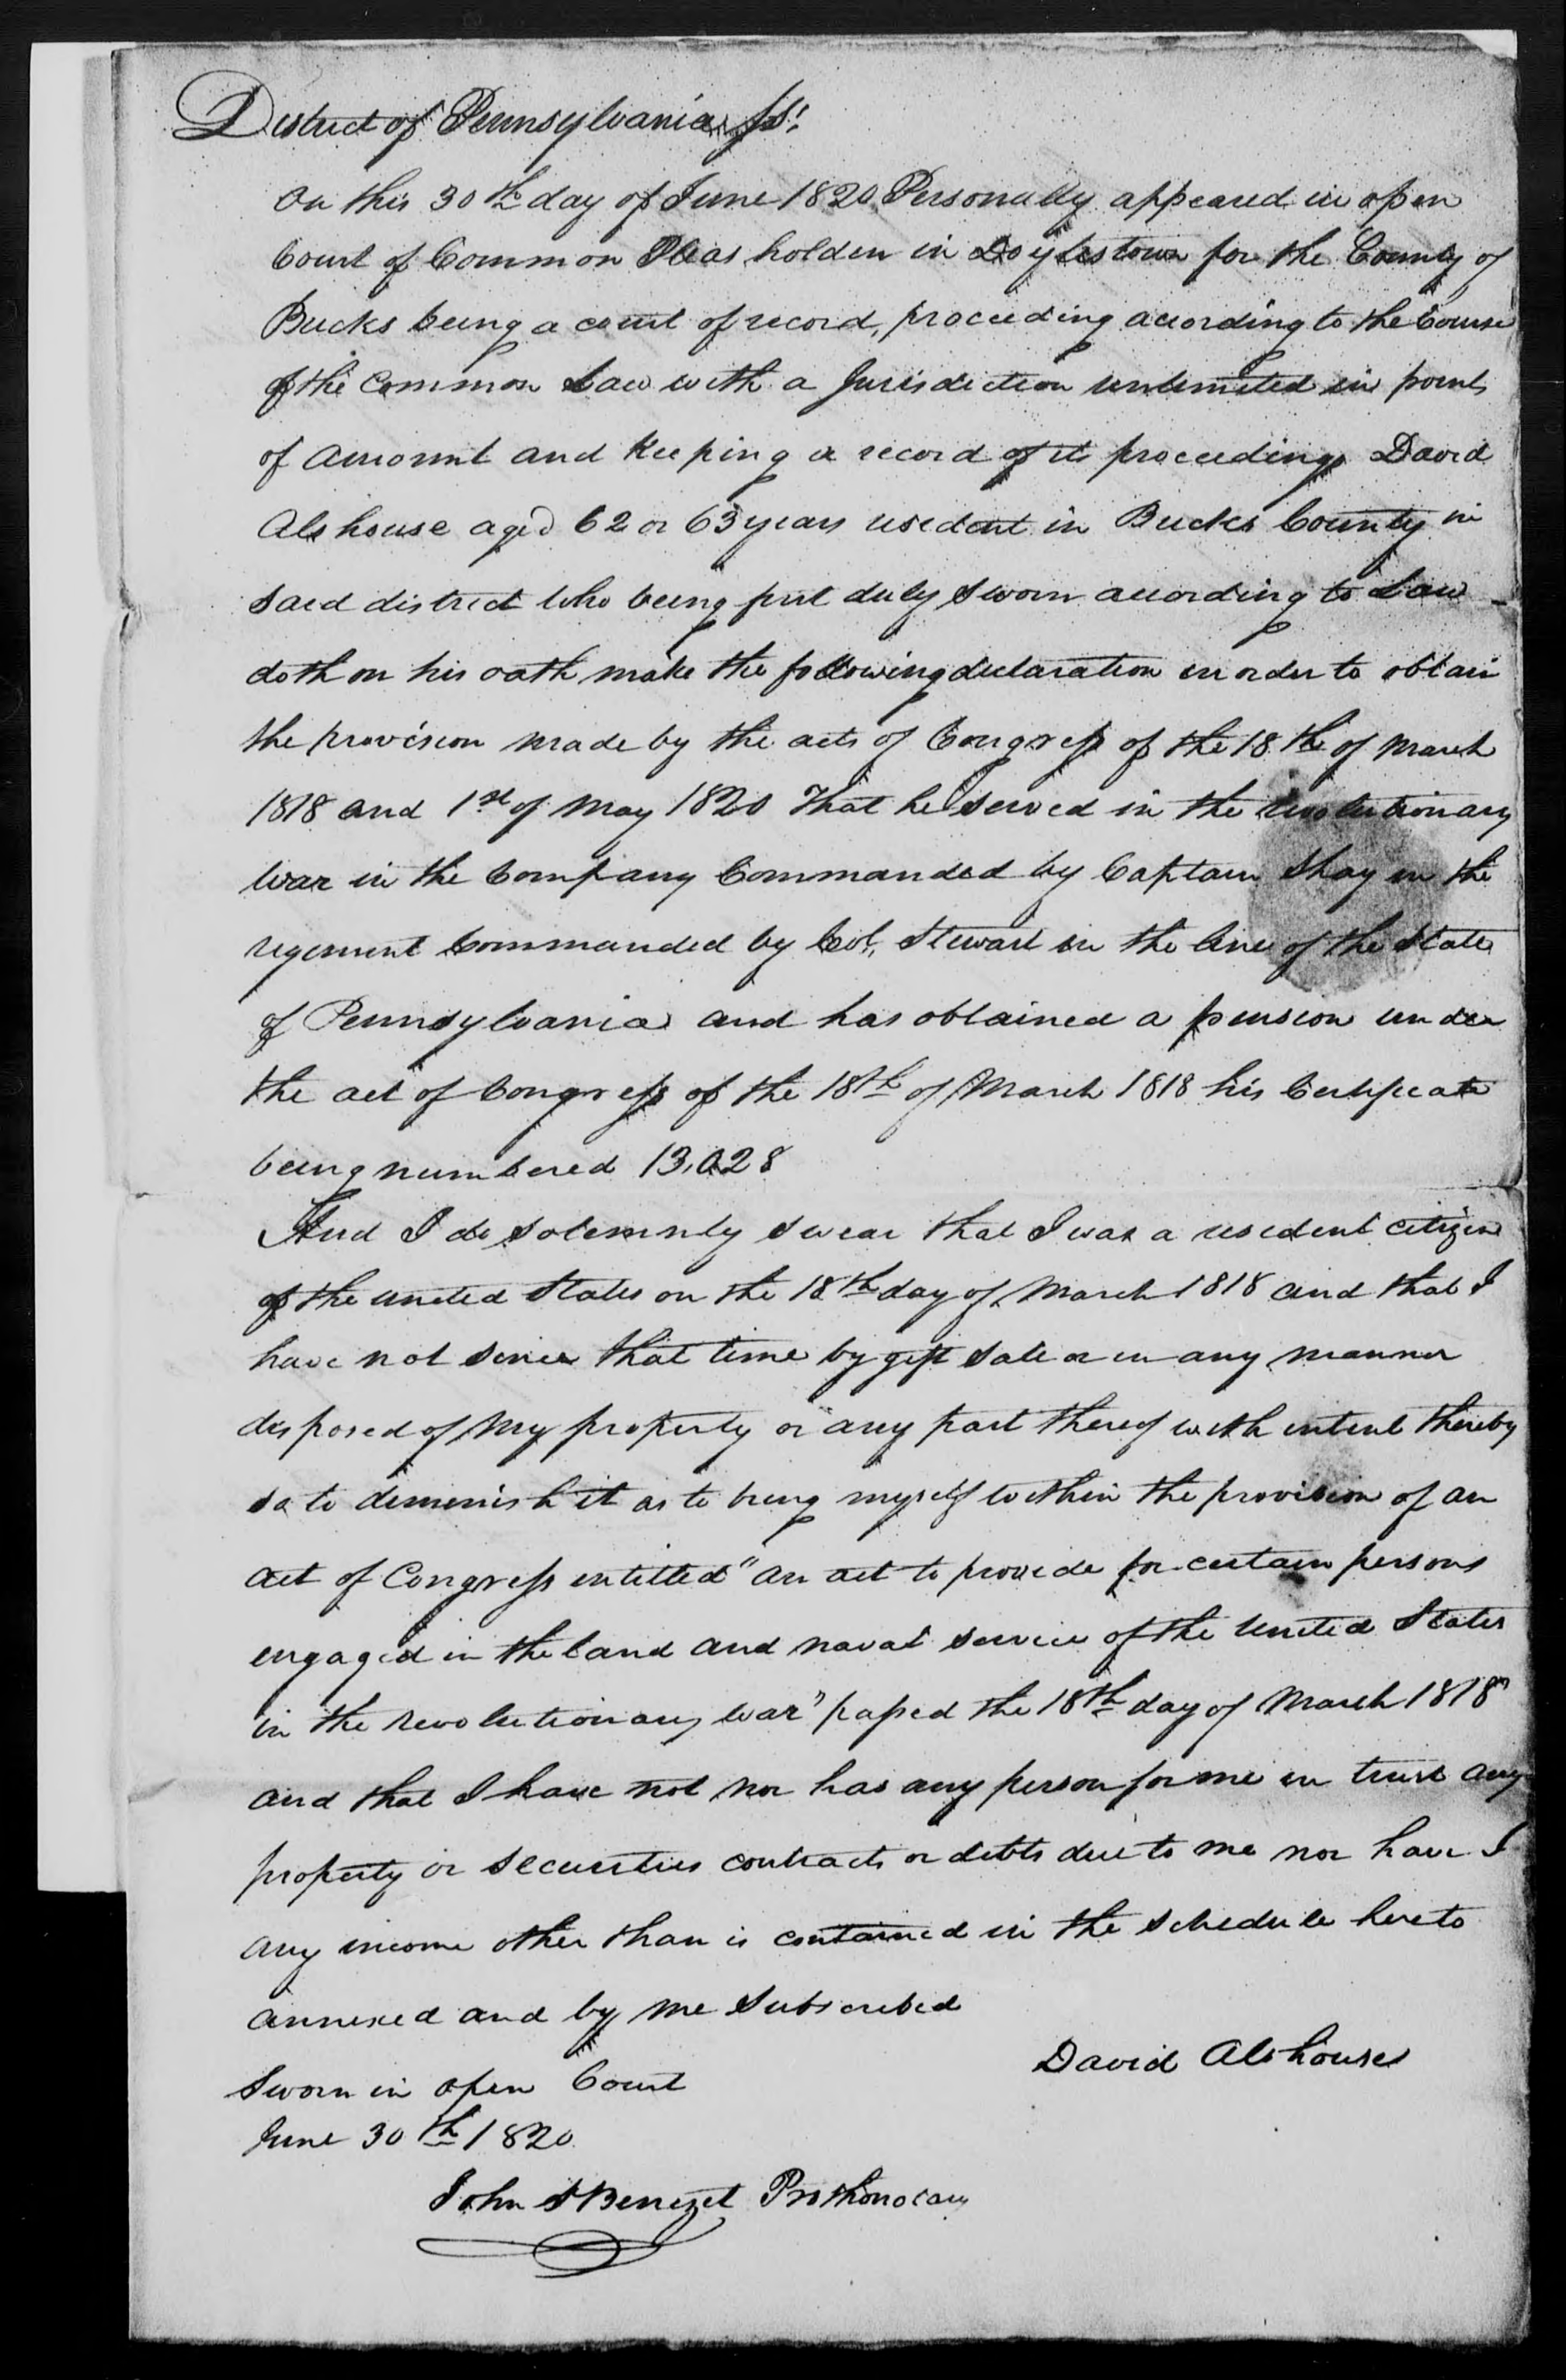District of Pennsylvania Ss:

On this 30th day of June 1820 Personally appeared in open Court of Common Pleas holden in Doylestown for the County of Bucks being a court of record, proceeding according to the course of the common law with a jurisdiction unlimited in [illegible] of amount and keeping a record of its proceedings David Alshouse aged 62 or 63 years a resident in Bucks County in said district who being first duly sworn according to law--doth on his oath make the following declaration in order to obtain the provision made by the Act of Congress of the 18th of March 1818 and 1st of May 1820 that he served in the revolutionary war in the company commanded by Captain Shay in the regiment commanded by Col. Stewart in the line of the State of Pennsylvania and has obtained a pension under the act of Congress of the 18th of March 1818 his certificate being numbered 13.028
And I do solemnly swear that I was a resident citizen of the United States on the 18th day of March 1818 and that I have not since that time by gift sale or in any manner disposed of my property or any part thereof with intent thereby so to diminish it as to bring myself within the provision of an act of Congress entitled "An act to provide for certain persons engaged in the land and naval service of the United States in the revolutionary war" passed the 18th day of March 1818 and that I have not nor has any person for me in trust any property or securities contracts or debts due to me nor have I any income other than is contained in the schedule hereto annexed and by me subscribed
David Alshouse [signature]

Sworn in open court
June 30th 1820
John S. Benezet, Prothonotary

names: Shay, David Alshouse, Stewart, David Alshouse, John S Benezet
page: 11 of 17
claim: survivor's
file: S. 39928, David Alshouse, Penn.